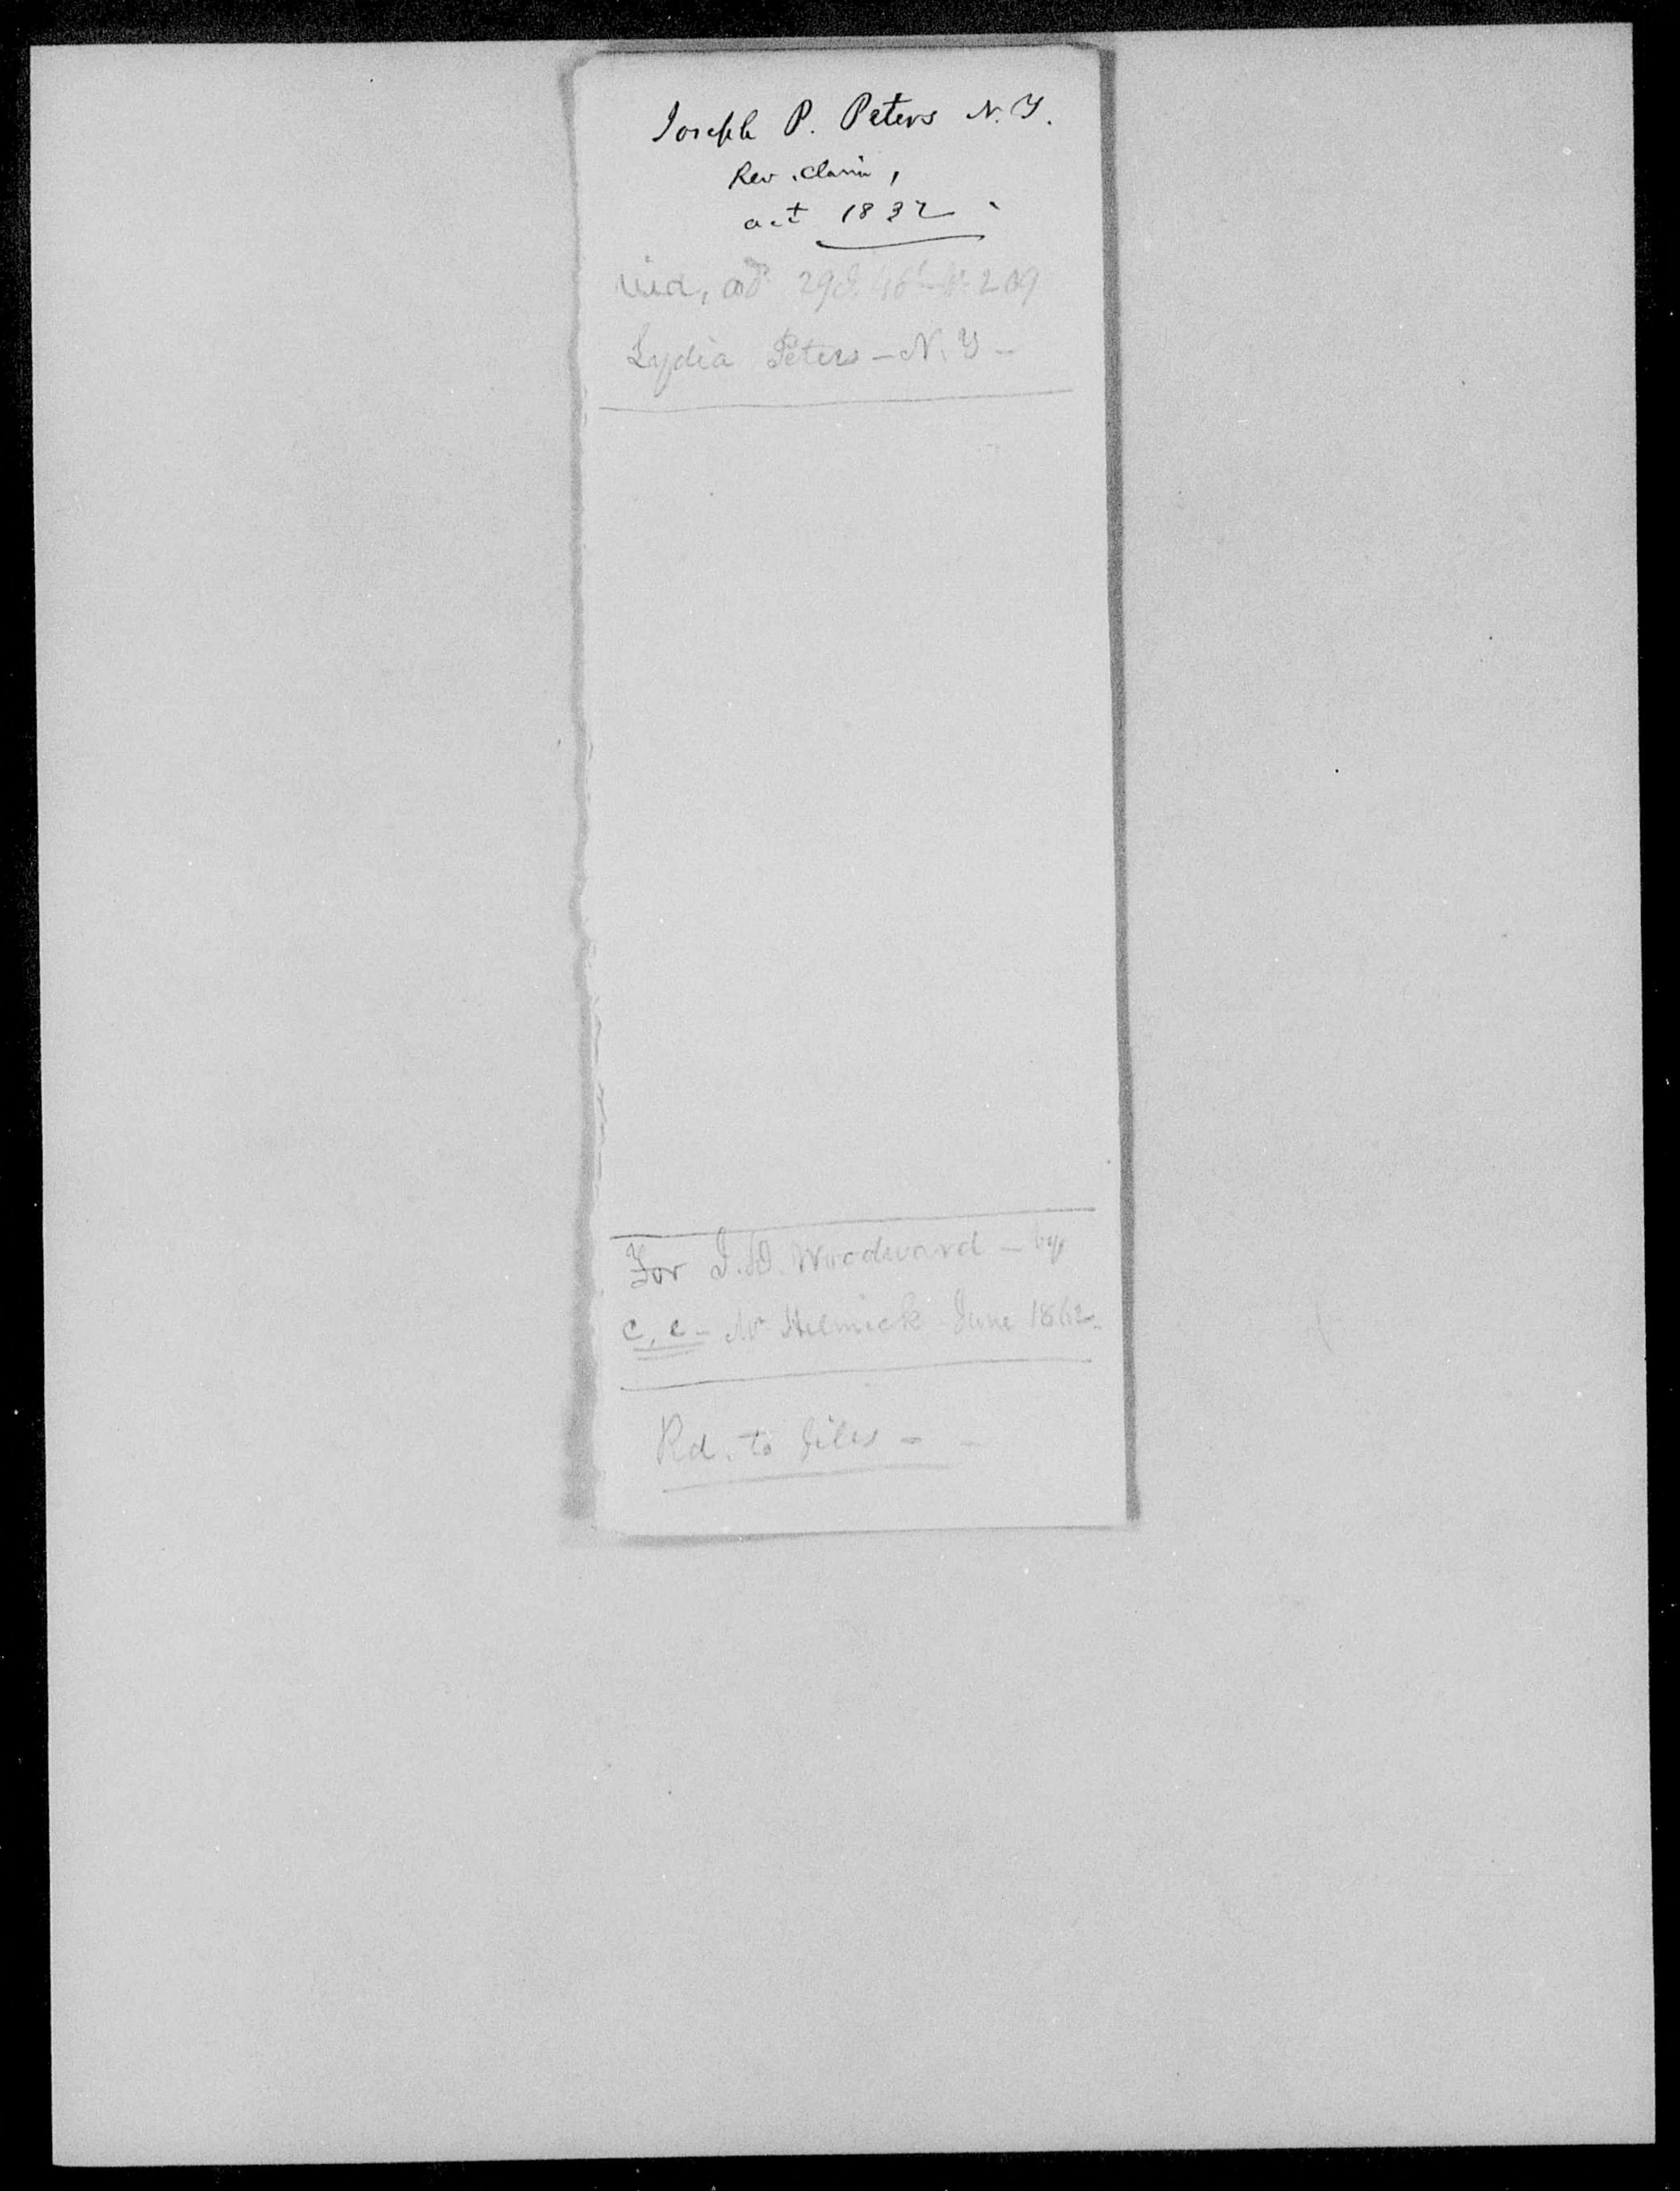Joseph P. Peters N. Y.
Rev claim
ACT 1832
Wid. ad. 29 I 48 March 2, 09
Lydia Peters N.Y.
For J. D. Woodward by C. C. Mr. Helmick June 1862
Rd to files.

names: J D Woodward; Lydia Peters; [BLANK] Helmick; Joseph P Peters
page: 37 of 73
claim: widow's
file: W. 2338, for Joseph P Peters, Connecticut